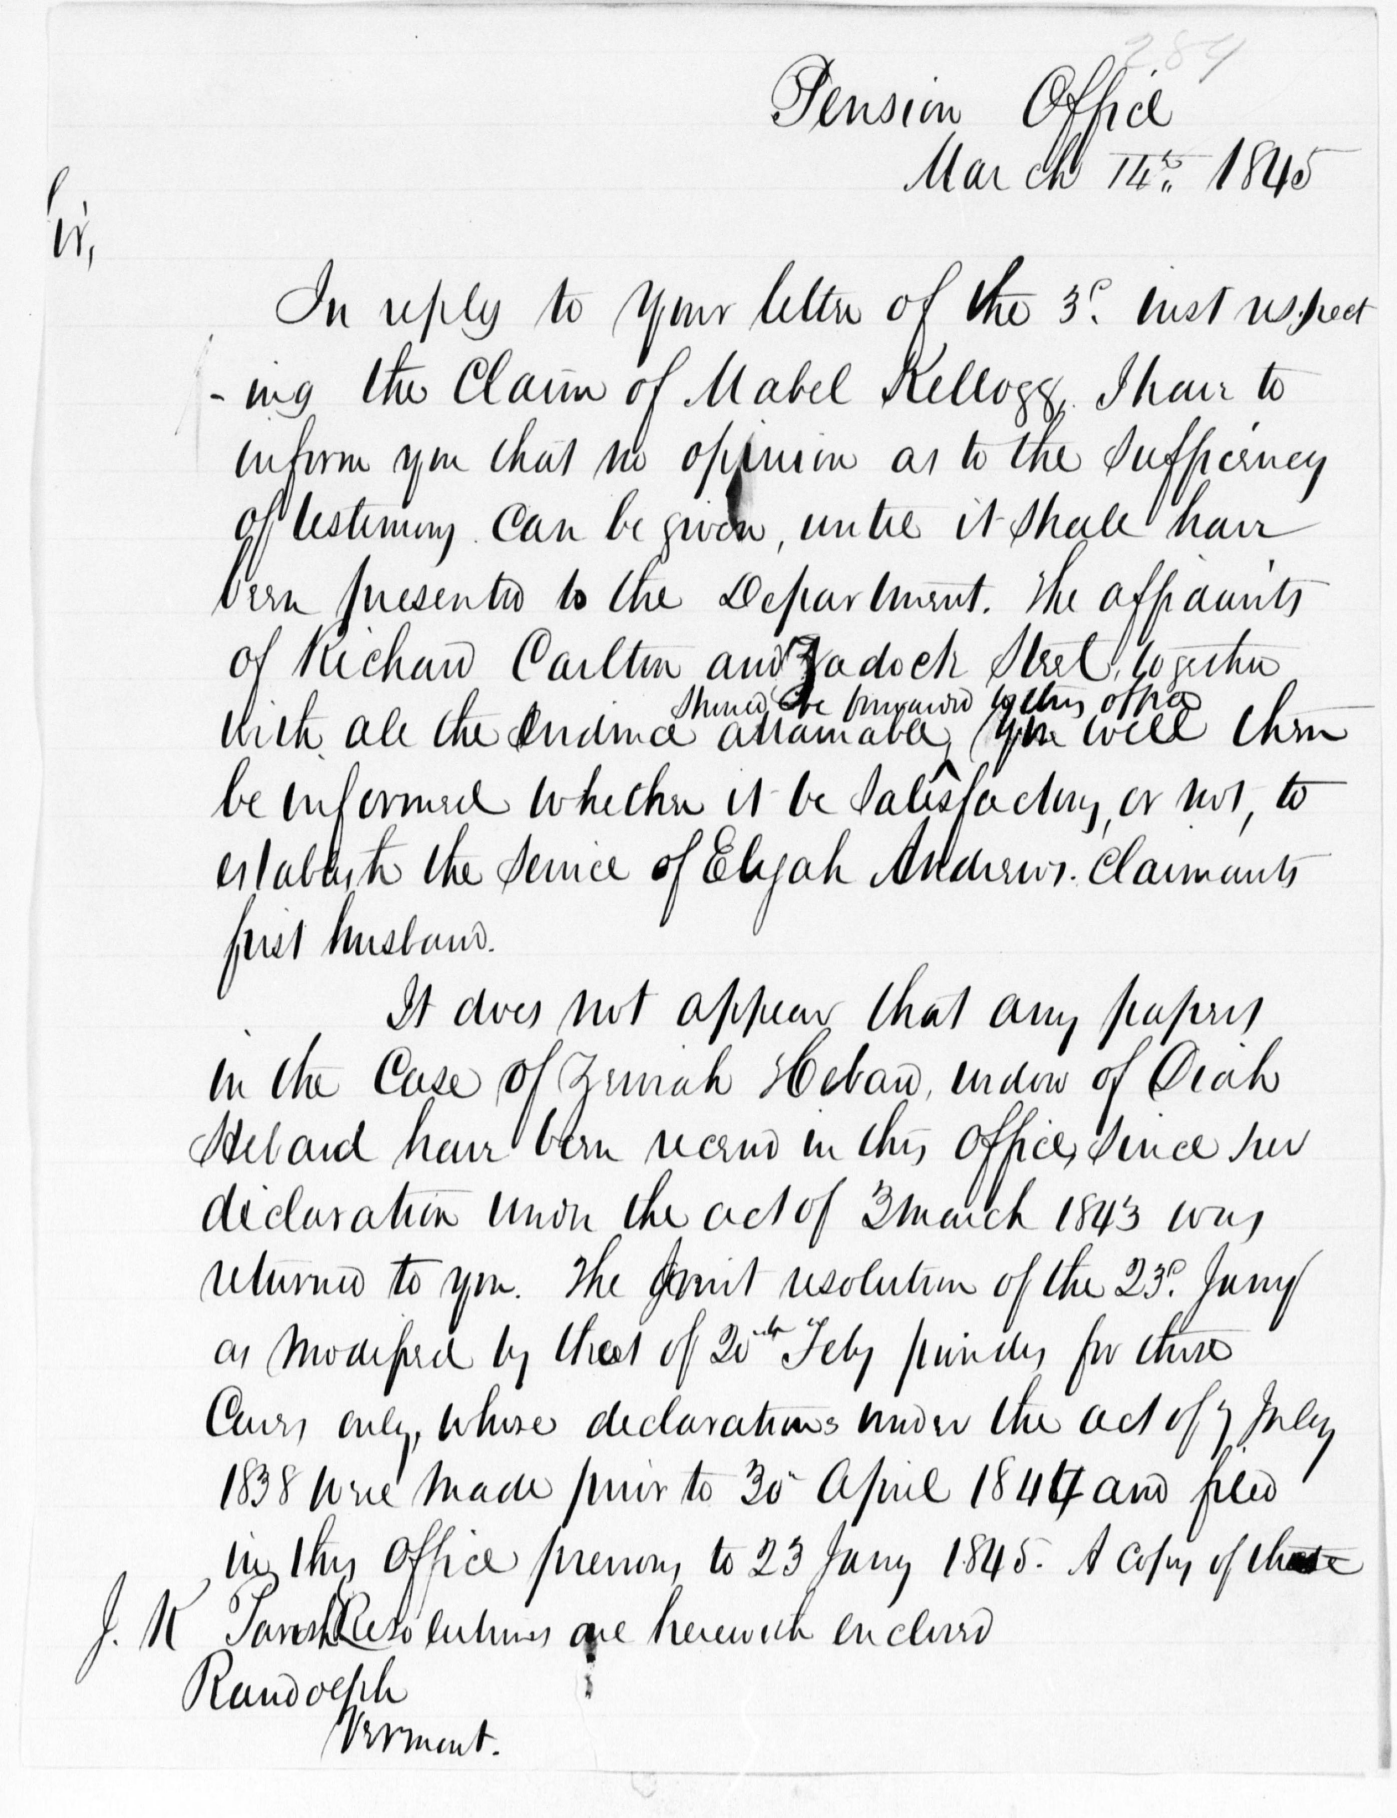Pension Office
March 14th 1845
Sir,
  In reply to your letter of the 3d. inst respecting the claim of Mabel Kellogg, I have to inform you that no opinion as to the sufficiency of testimony can be given, until it shall have been presented to the Department.  The affidavits of Richard Carlton and Zadoch Steele, together with all the evidence attainable should be (?) to the others.  You will then be informed whether it be satisfactory, or not, to establish the service of Elijah Andrews, claimants first husband.
  It does not appear that any papers in the case of Zurrah Hebard, widow of Dick Hebard have been received in this office, since her declaration under the act of 3 March 1843 was returned to you.  The grant resolution of the 23d. Jany as modified by that of 20th Feby provides for these cases only, whose declarations under the act of July 1838 were made prior to 30 April 1844 and filed in this office previous to 23 Jany 1845.  A copy of those Resolutions are herewith enclosed.
J.K. Parish
Randolph 
Vermont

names: Mabel Kellogg, J K Parish, Richard Carlton, Elijah Andrews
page: 19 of 19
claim: rejected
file: R. 5836, Elijah Andrews, Conn.